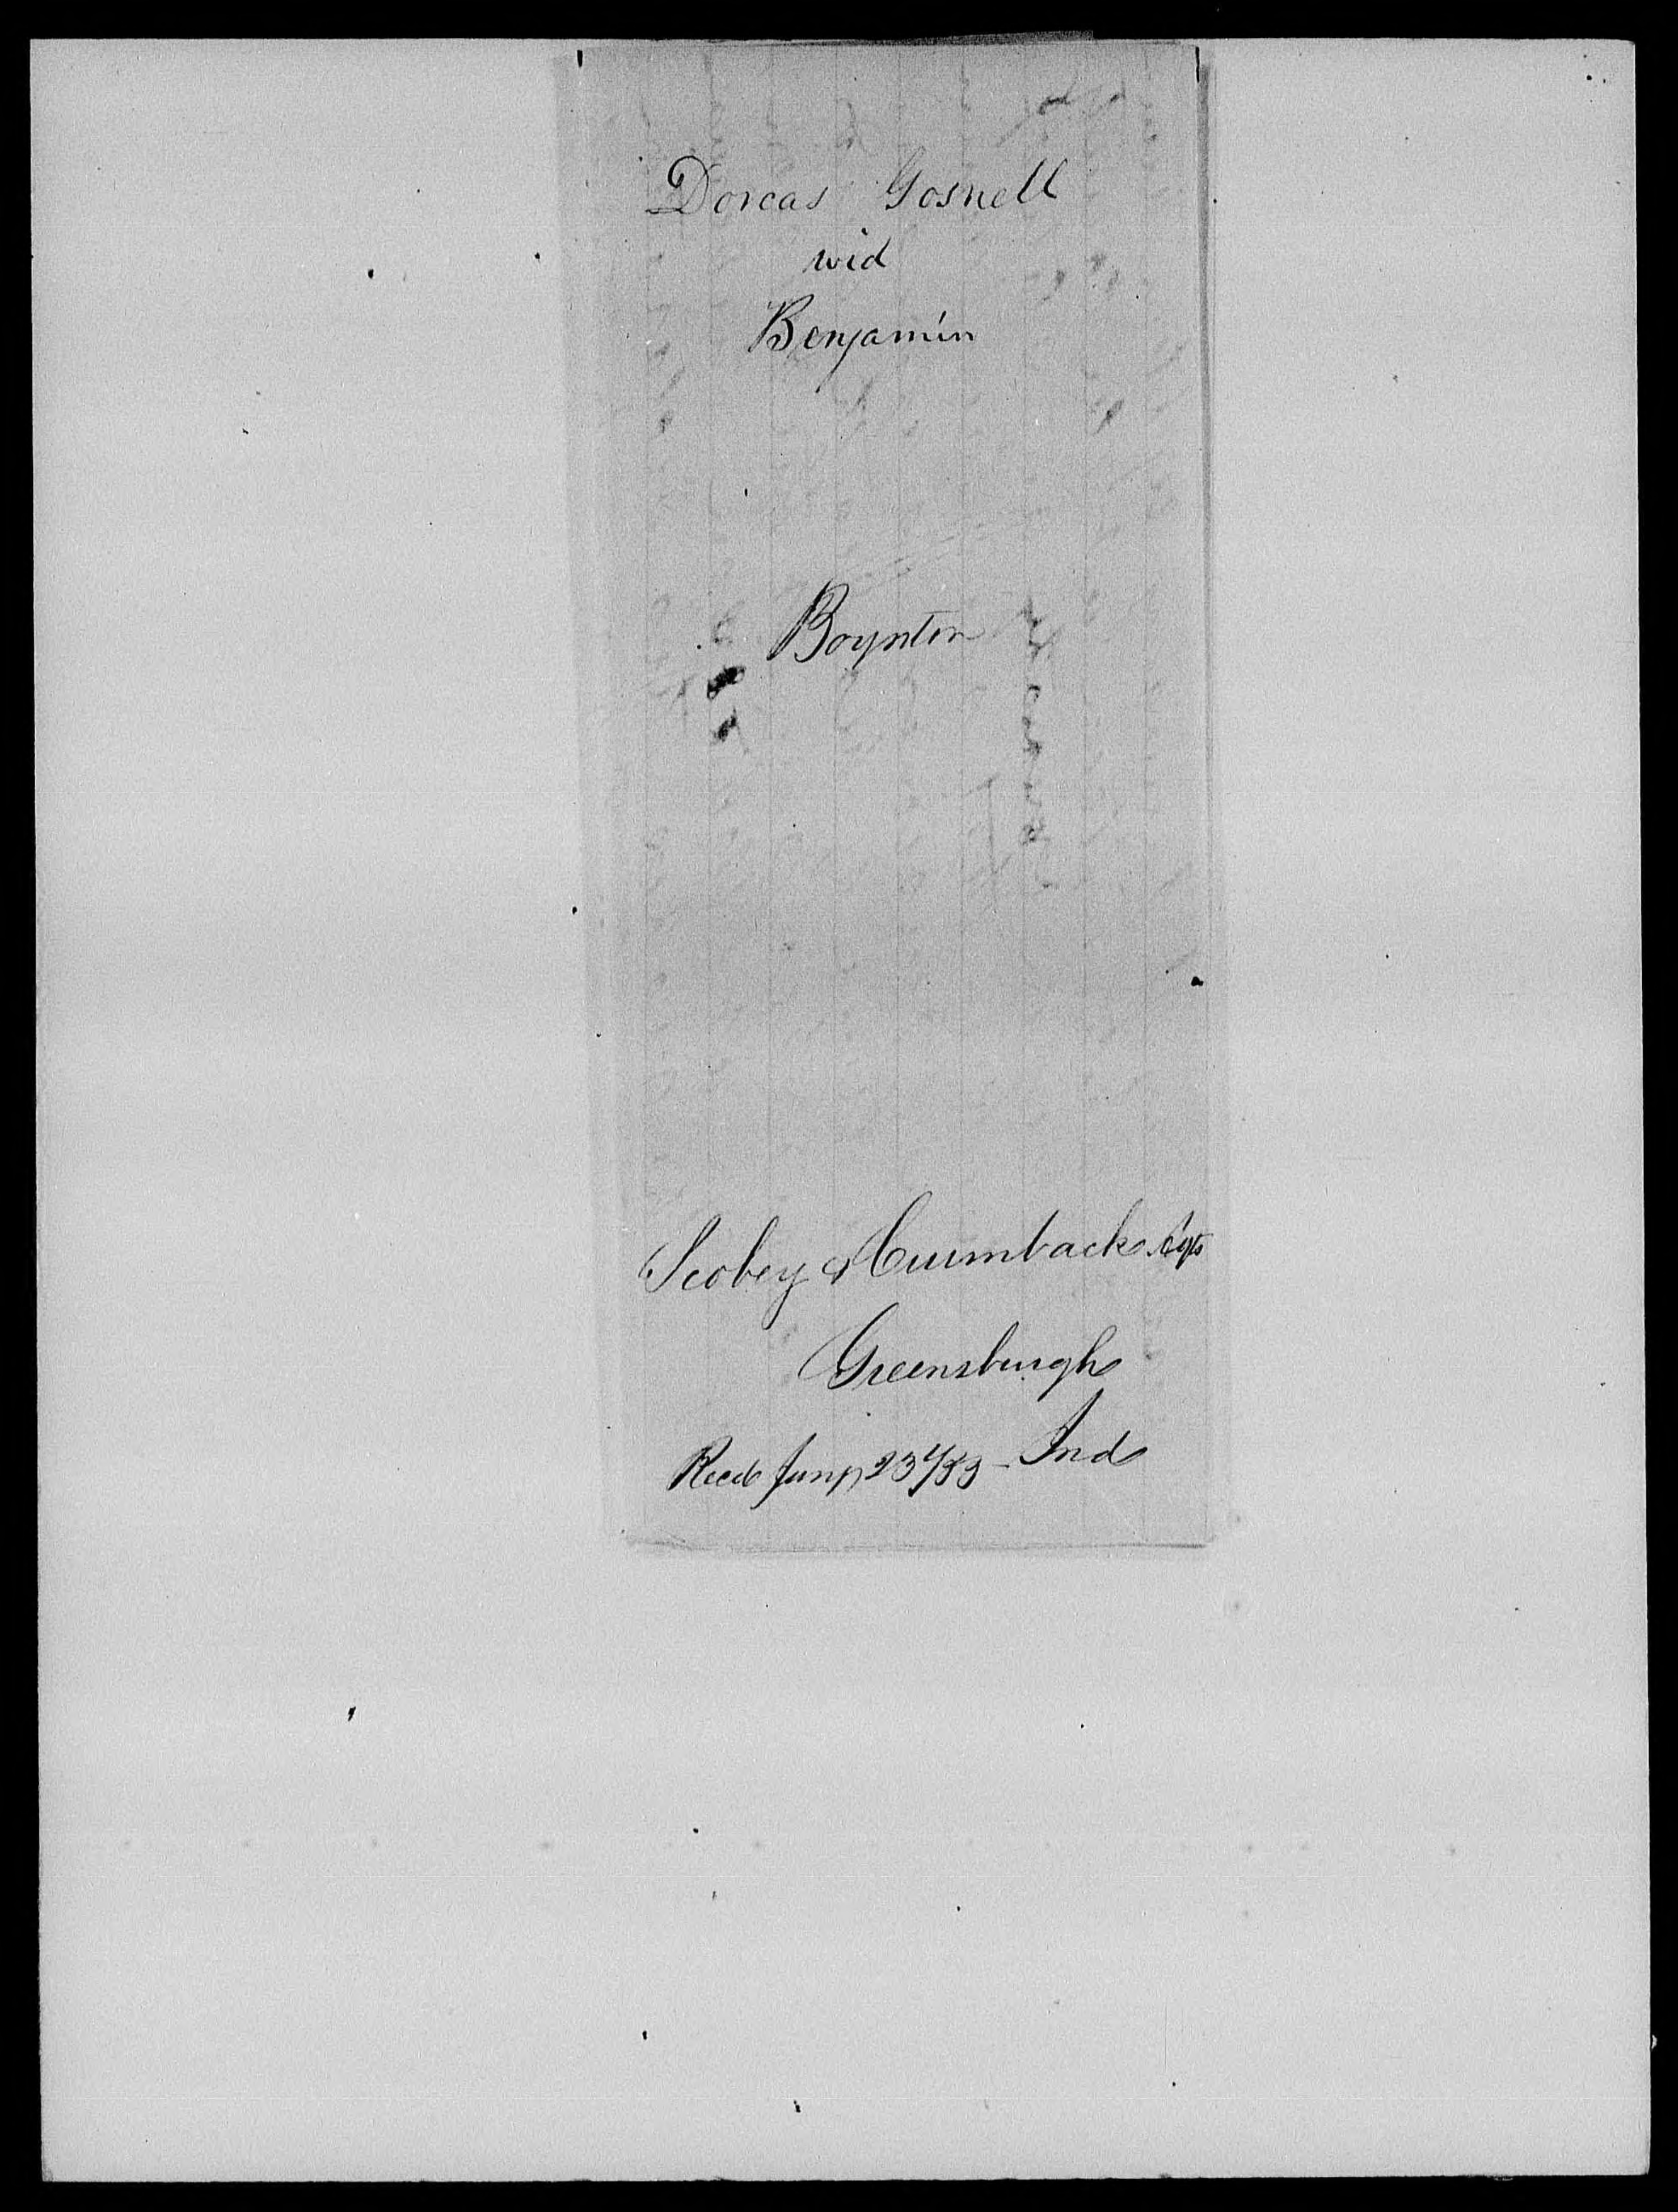Dorcas Gosnell
wid
Benjamin

Boynter

Scobey & Crumback, 
Greensburgh
Recd [Received] Jany [January] 23'/55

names: Crumback, Dorcas Gosnell, Benjamin Gosnell, Scobey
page: 10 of 39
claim: widow's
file: W. 11060, Benjamin Gosnell, Va.